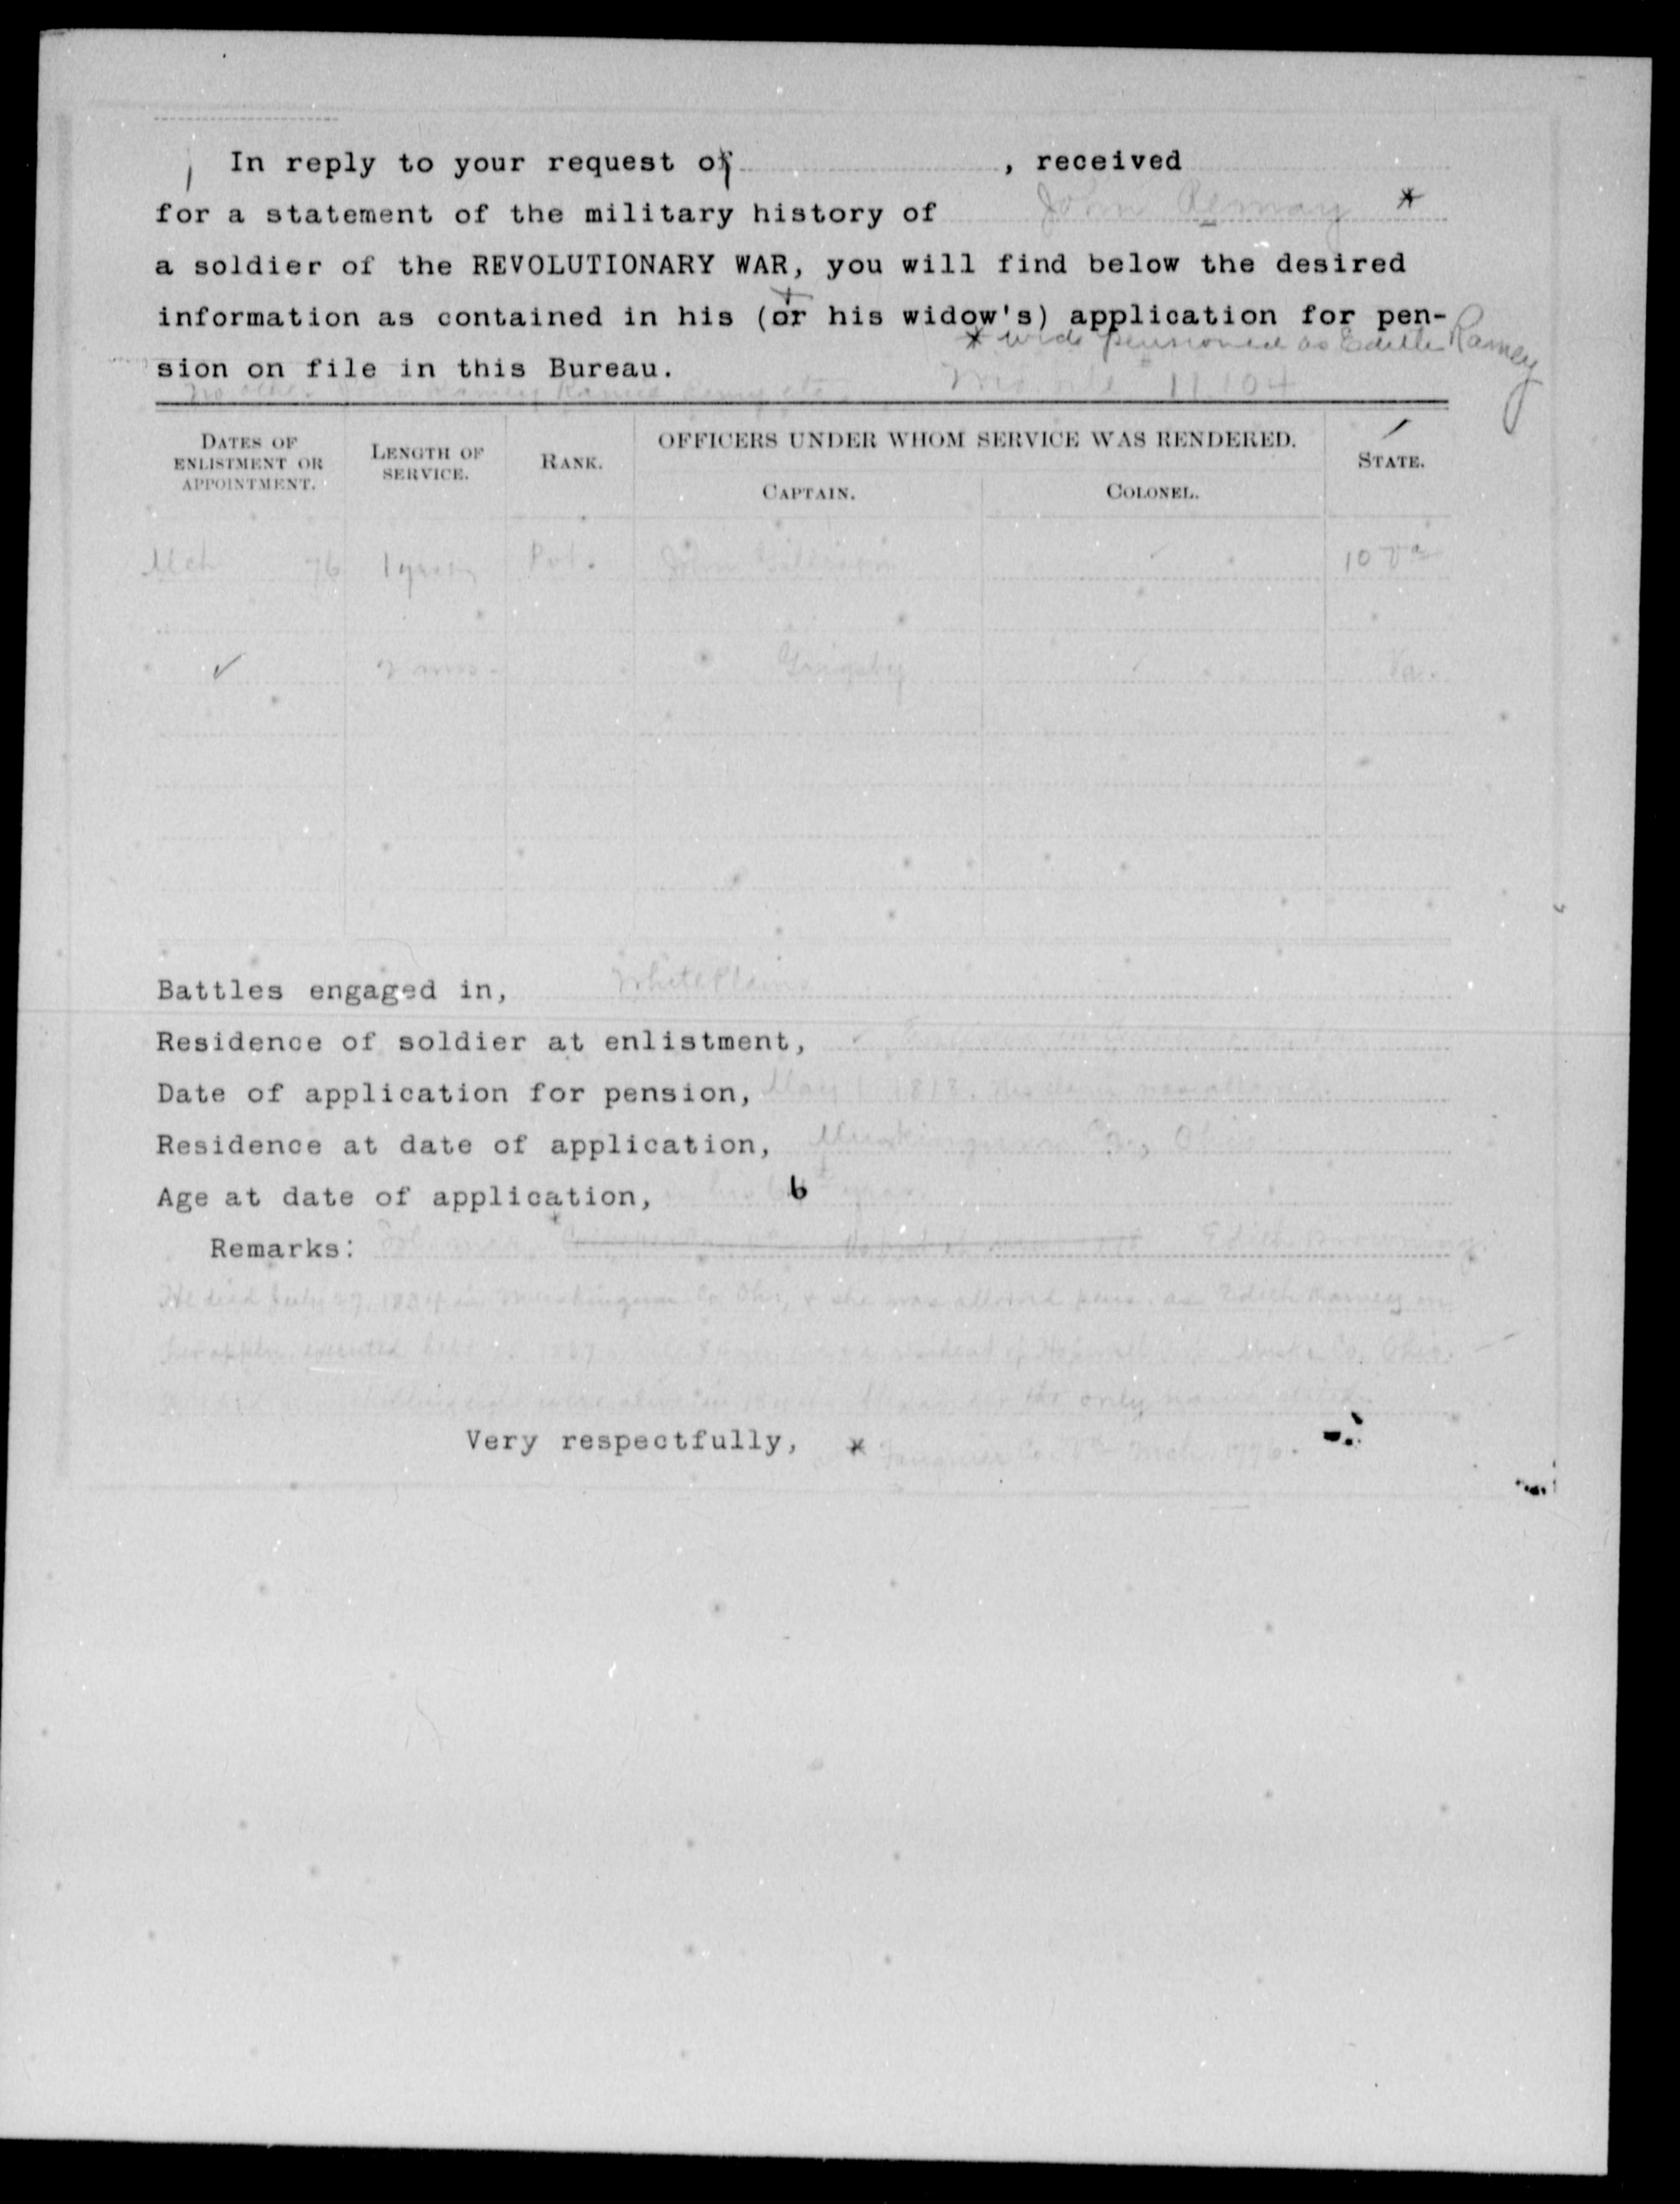In reply to your request of -, received - for a statement of the military history of John Remay* a soldier of the REVOLUTIONARY WAR, you will find below the desired information as contained in his & his widow's) application for pension on file in this Bureau. *wid pensioned as Edith Ramey
no other John Ramey Ramie Remy, etc. Wid. File #11,104
DATES OF ENLISTMENT OR APPOINTMENT. LENGTH OF SERVICE. RANK. OFFICERS UNDER WHOM SERVICE WAS RENDERED. CAPTAIN. COLONEL. STATE.
Mch. 76 1 year, Pvt. John Gillison 10 Va
2 mos. Grigsby Va.

Battles engaged in, White Plains
Residence of soldier at enlistment, [illegible] in Culpeper County, Va.
Date of application for pension, May 1, 1818 The claim was allowed.
Residence at date of application, Muskingum Co., Ohio.
Age at date of application, in his 66th year
Remarks: Sol. mar. Edith Browning.
He died July 27, 1834, in Muskingum Co Ohio, & she was allowed pens. as Edith Ramey on her appl. executed Sept. -, 1837 [illegible] resident of Hopewell Township Muskm Co. Ohio. [illegible] 8 children were alive in 1844. Alexander the only name stated.
Very respectfully, *Fauquier Co. Va. - Mch. 1776.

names: John Remay; Edith Ramey; Edith Ramey; Edith [ILLEGIBLE]; [BLANK] Kingsly; John Ramey; John Ramie; Harry [ILLEGIBLE]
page: 45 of 84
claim: widow's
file: W.11104, for John Remay, Virginia